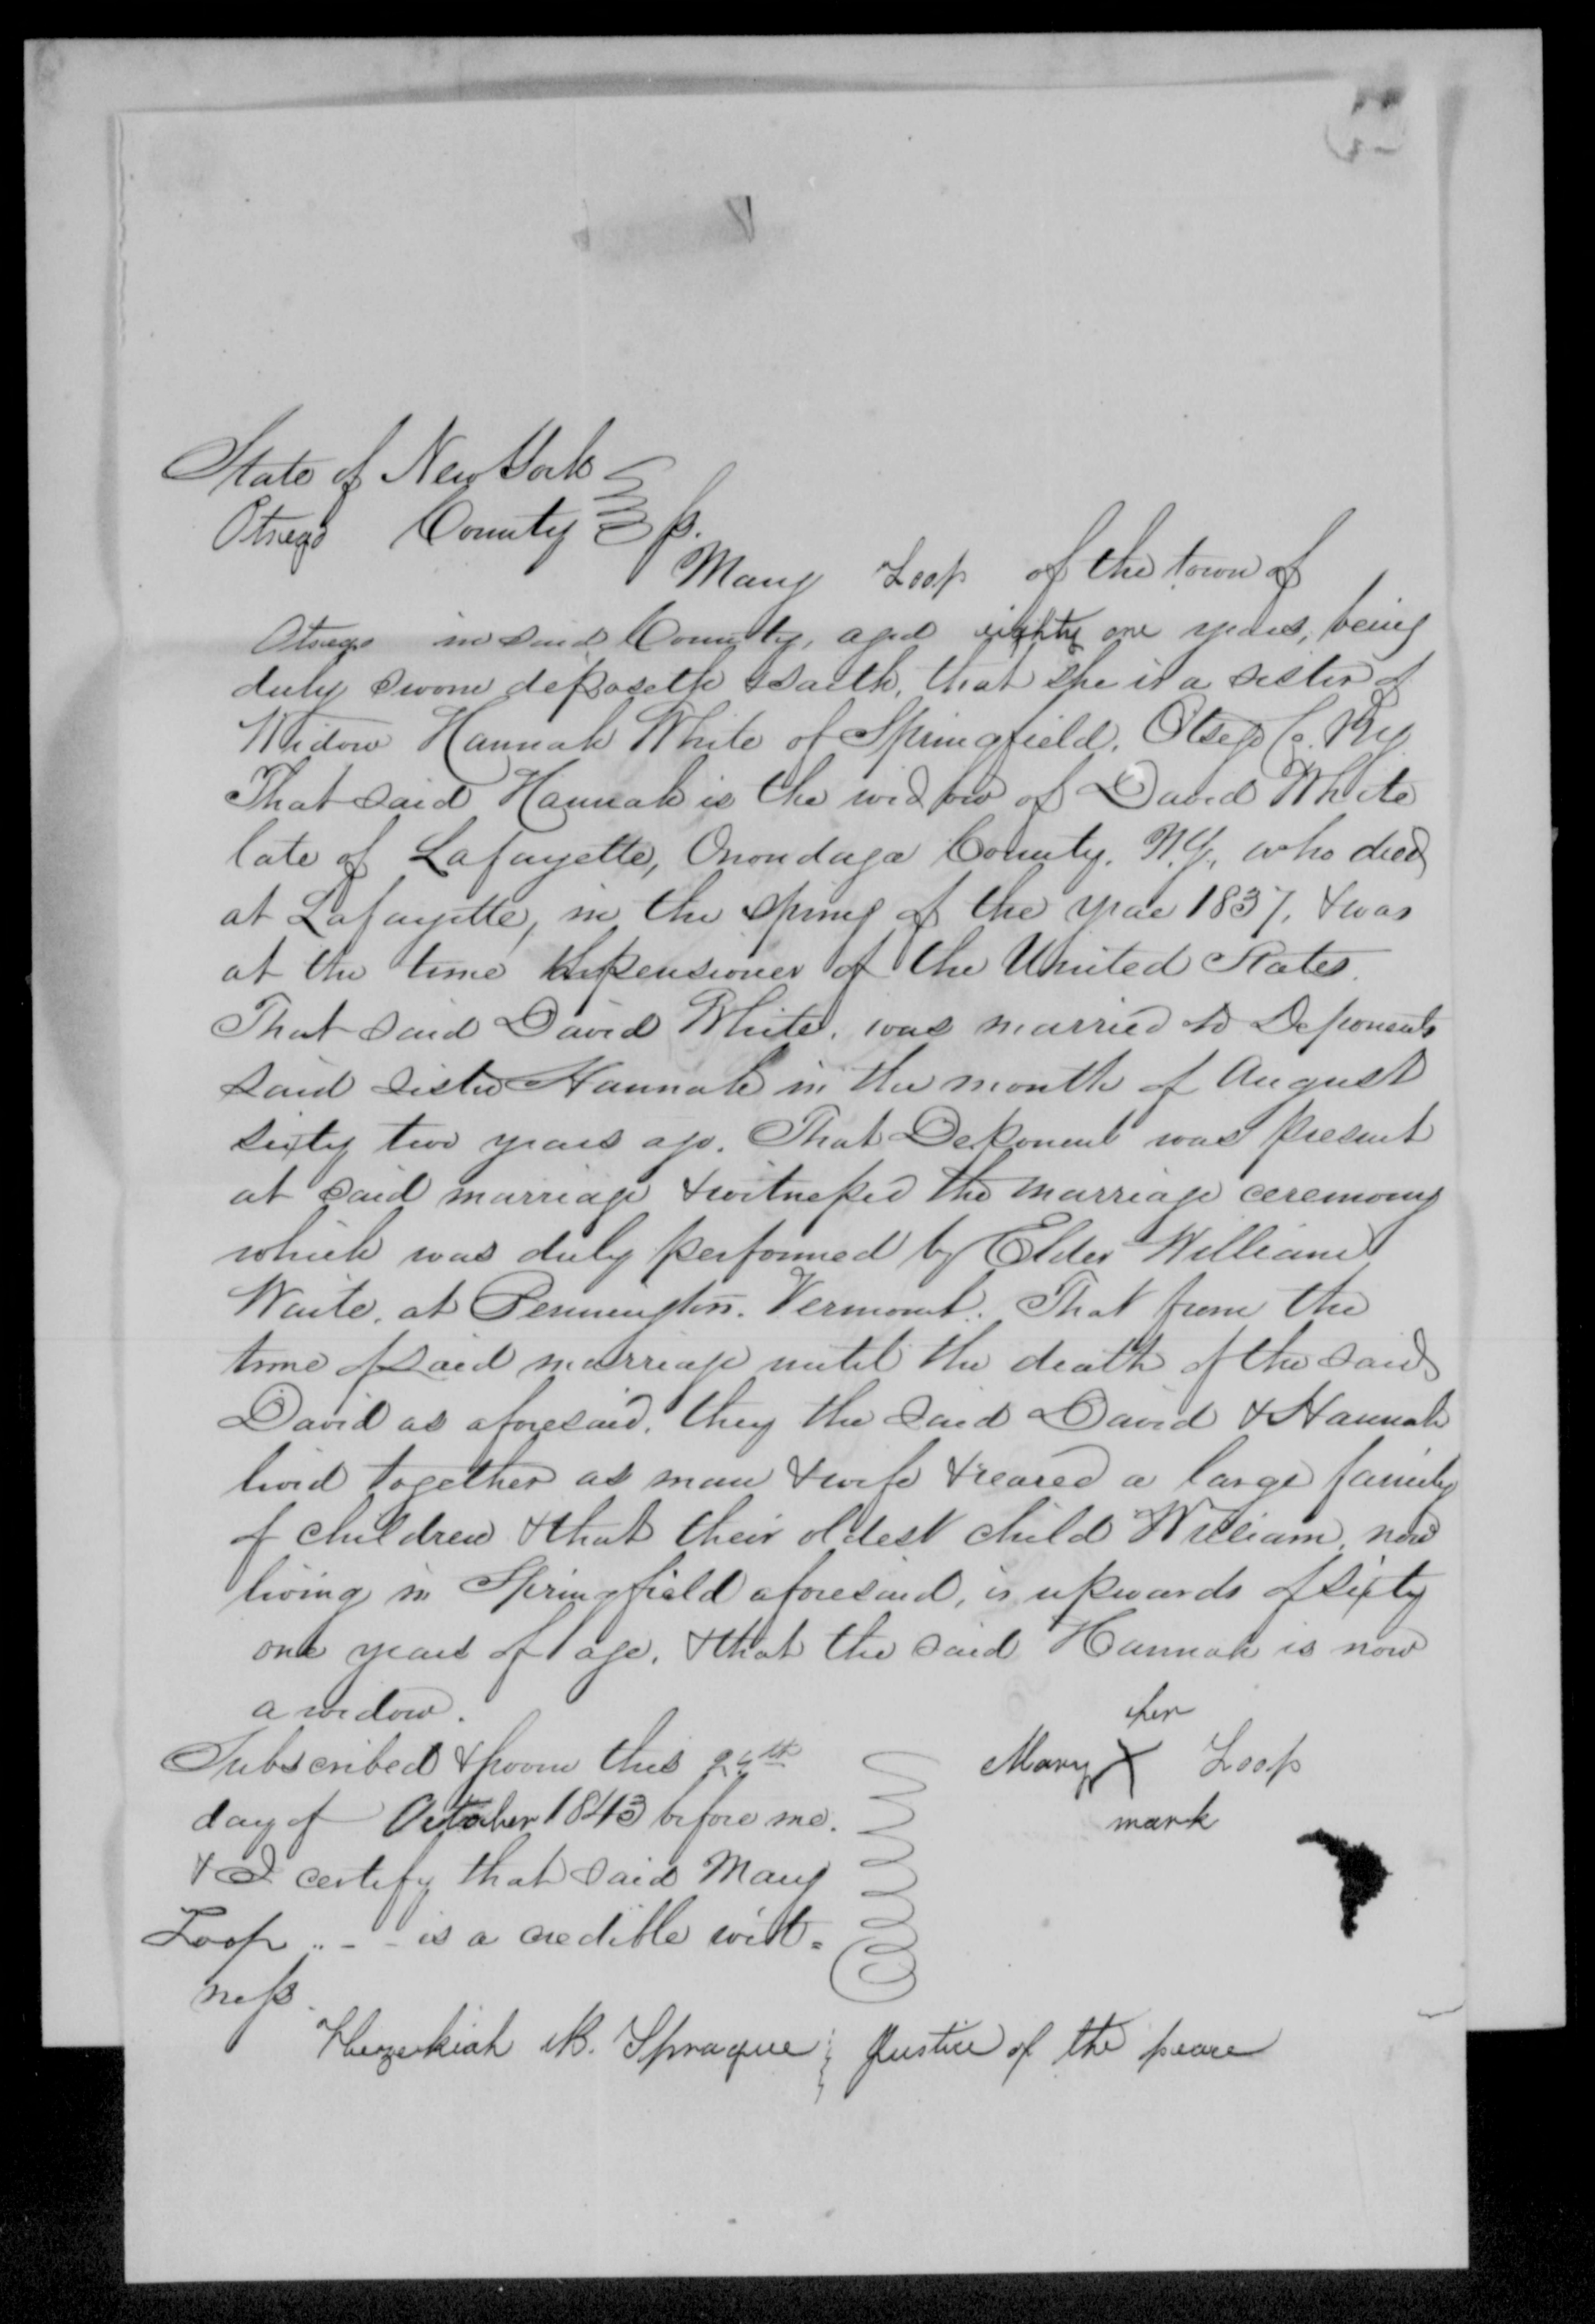State of New York}
Otsego County} 

I Mary Loop of the town of Otsego in said County, aged eighty one years, being duly sworn deposeth and saith, that she is a sister of  Widow Hannah White of Springfield, Otsego Co. NY; That said Hannah is the widow of David White late of Lafayette, Onondaga County N.Y. who died at Lafayette, in the spring of the year 1837 & was at the time a pensioner of the United States; That said David White was married to Deponent's said sister Hannah in the month of August sixty two years ago; That Deponent was present at said marriage & witnessed the marriage ceremony which was duly performed by Elder William Waite at Bennington Vermont; That from the time of said marriage until the death of said David as aforesaid, they the said David & Hannah lived together as man & wife & reared a large family of children & that their oldest child William now living in Springfield aforesaid, is upwards of sixty one years of age; & that the said Hannah is now a widow.

Mary X(her mark) Loop

Subscribed & sworn this 26th day of October 1843 before me & I certify that said Mary Loop__is a credible witness.

Hezekiah B. Sprague Justice of the Peace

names: Hannah White, Hezekiah B Sprague, David White, William Waite, Mary Loop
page: 28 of 63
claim: widow's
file: W. 18403, David White, Conn.